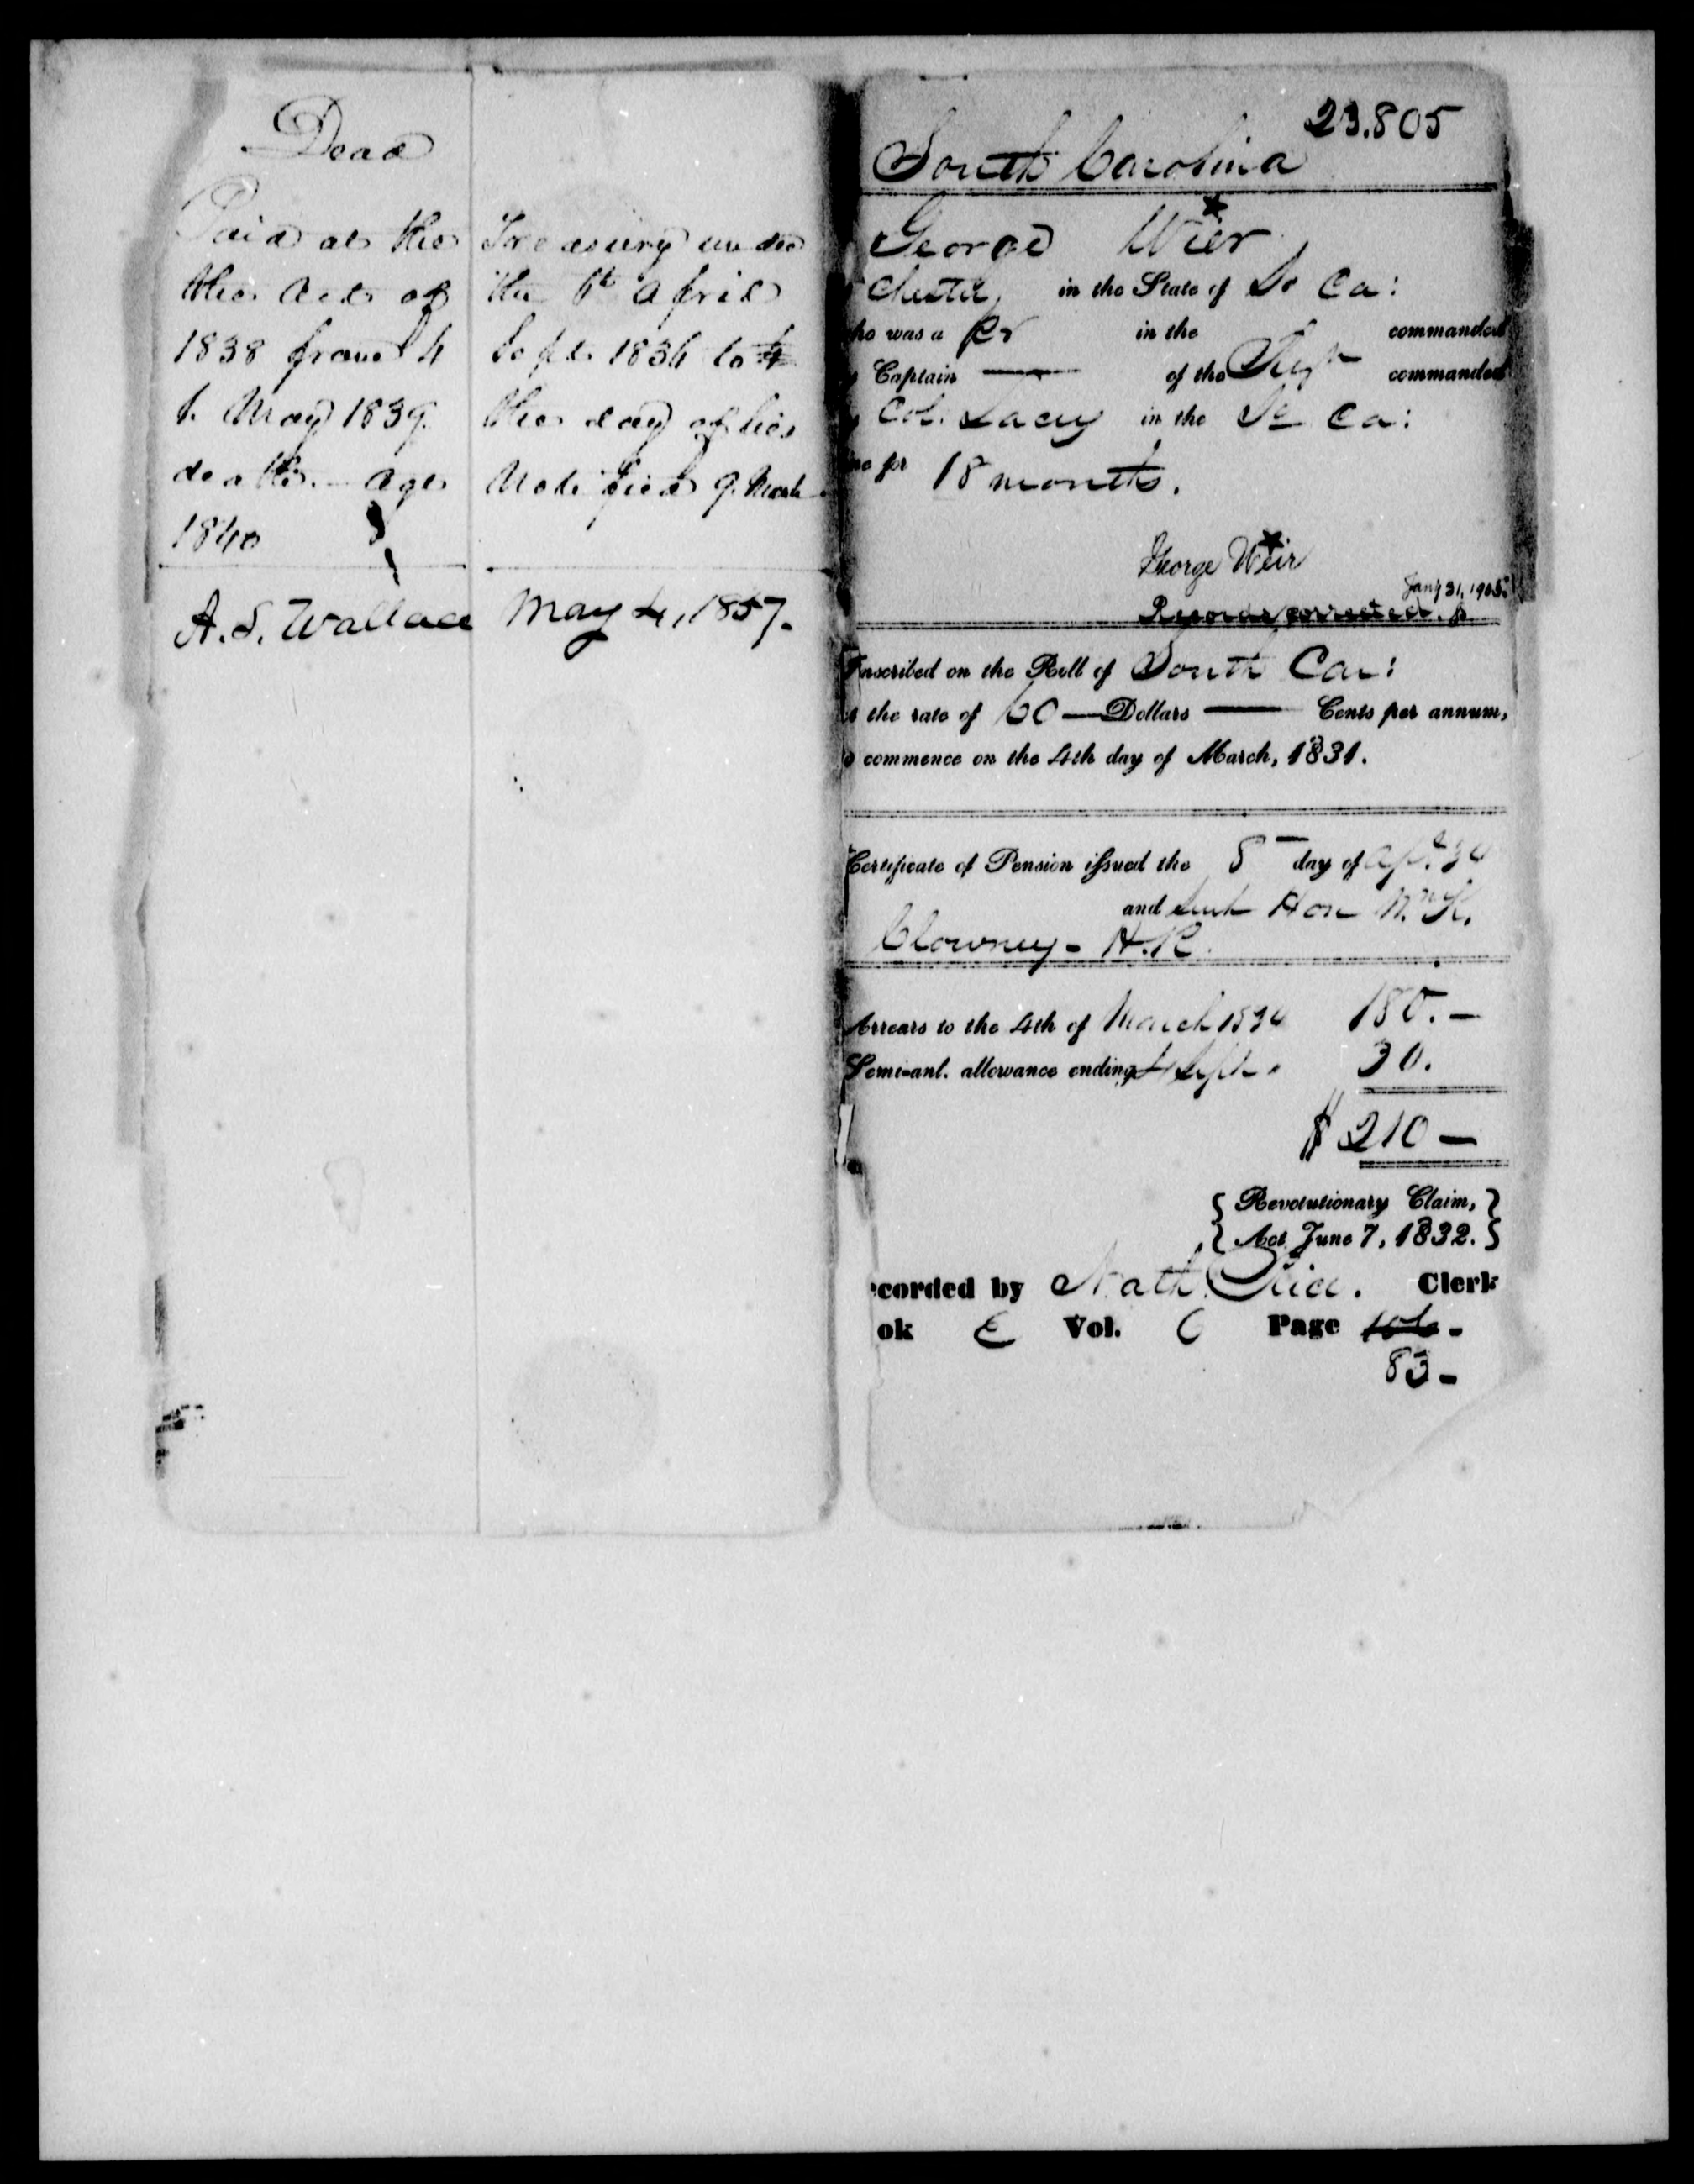[left side]
Dead
Paid at the Treasury under the the act of 6 April 1838 from 4 Sept. 1836 to 4 may 1839 the day of his death -- age modified May 4, 1857

A.S. Wallace May 4, 1857.


[right side]
23.805
South Carolina
George Wier of Chester, in the State of So Ca, who was a Pri in the --- commanded by Captain --- in the rgt commanded by   Col. Lacey in the So. Car. line for 18 months

George Weir
Record corrected Jan 21, 1905

Inscribed on the Roll of South Car at the rate of 60 - Dollars - Cents per annum to commence on the 4th day of March, 1831.

Certificate of Pension issued the 8 day of Apr. '30 and sent to Hon M. K. Clowney. H.R.

Arrears to the 4th of March 1836 180
Semi-anl. allowance ending Sept" 30.
$210-

Revolutionary Claim,
June 7, 1832.

Recorded by Nath Rice Clerk
Book E  Vol. 6 Page 83 -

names: George Wier, Nath Rice, A S Wallace, Wm K Clowney, Lacey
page: 2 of 22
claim: survivor's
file: S. 9528, George Weir, S.C.